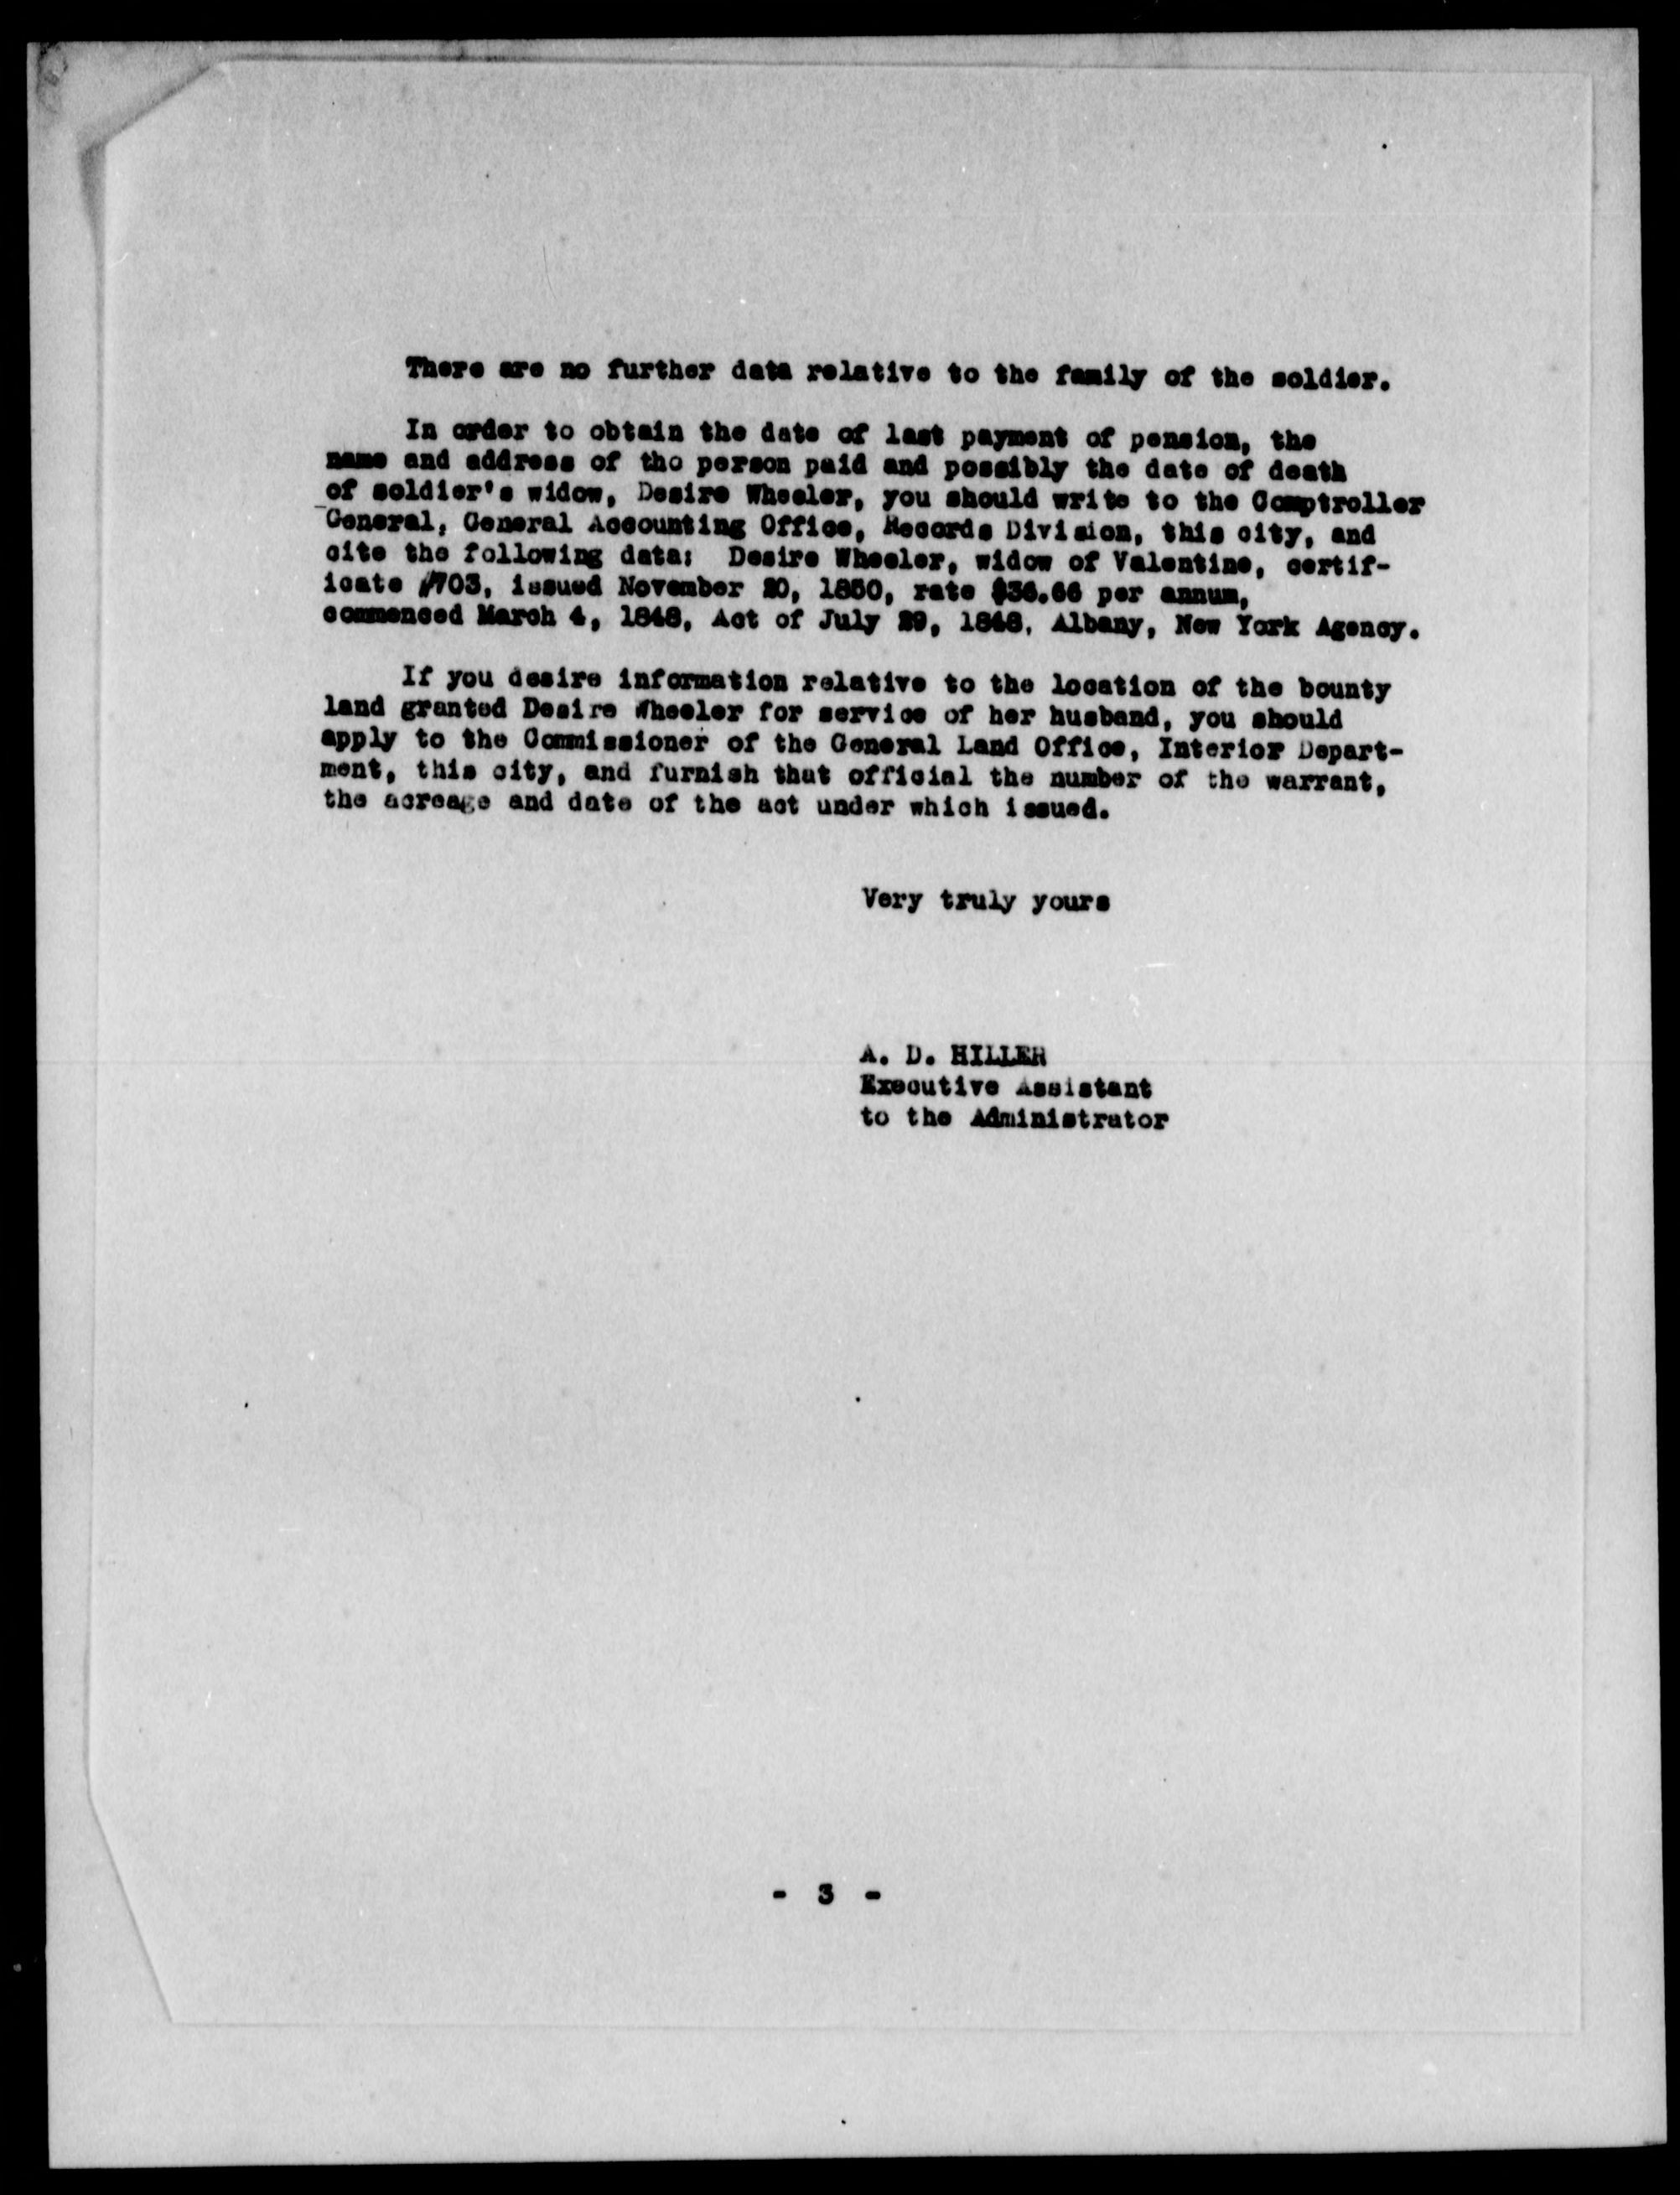There are no further data relative to the family of the soldier.
In order to obtain the date of last payment of pension, the name and address of the person paid and possibly the date of death of soldier's widow, Desire Wheeler, you should write to the Comptroller General, General Accounting Office, Records Division, this city, and site the following data: Desire Wheeler, widow of Valentine, certificate #703, issued November 20 1850, rate $36.66 per annum, commenced march 4, 1848, Act of July 29, 1848, Albany New York Agency.
If you desire information relative to the location of the bounty land granted Desire Wheeler for service of her husband, you should apply to the Commissioner of the General Land Office, Interior Department, this city, and furnish that official the number of the warrant, the acreage and date of the act under which issued.
Very truly yours
A. D. Hiller
Executive Assistant to the Administrator

-3-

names: A D Hiller, Desire Wheeler, Valentine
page: 31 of 98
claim: widow's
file: W. 1682, Valentine Wheeler, Mass.